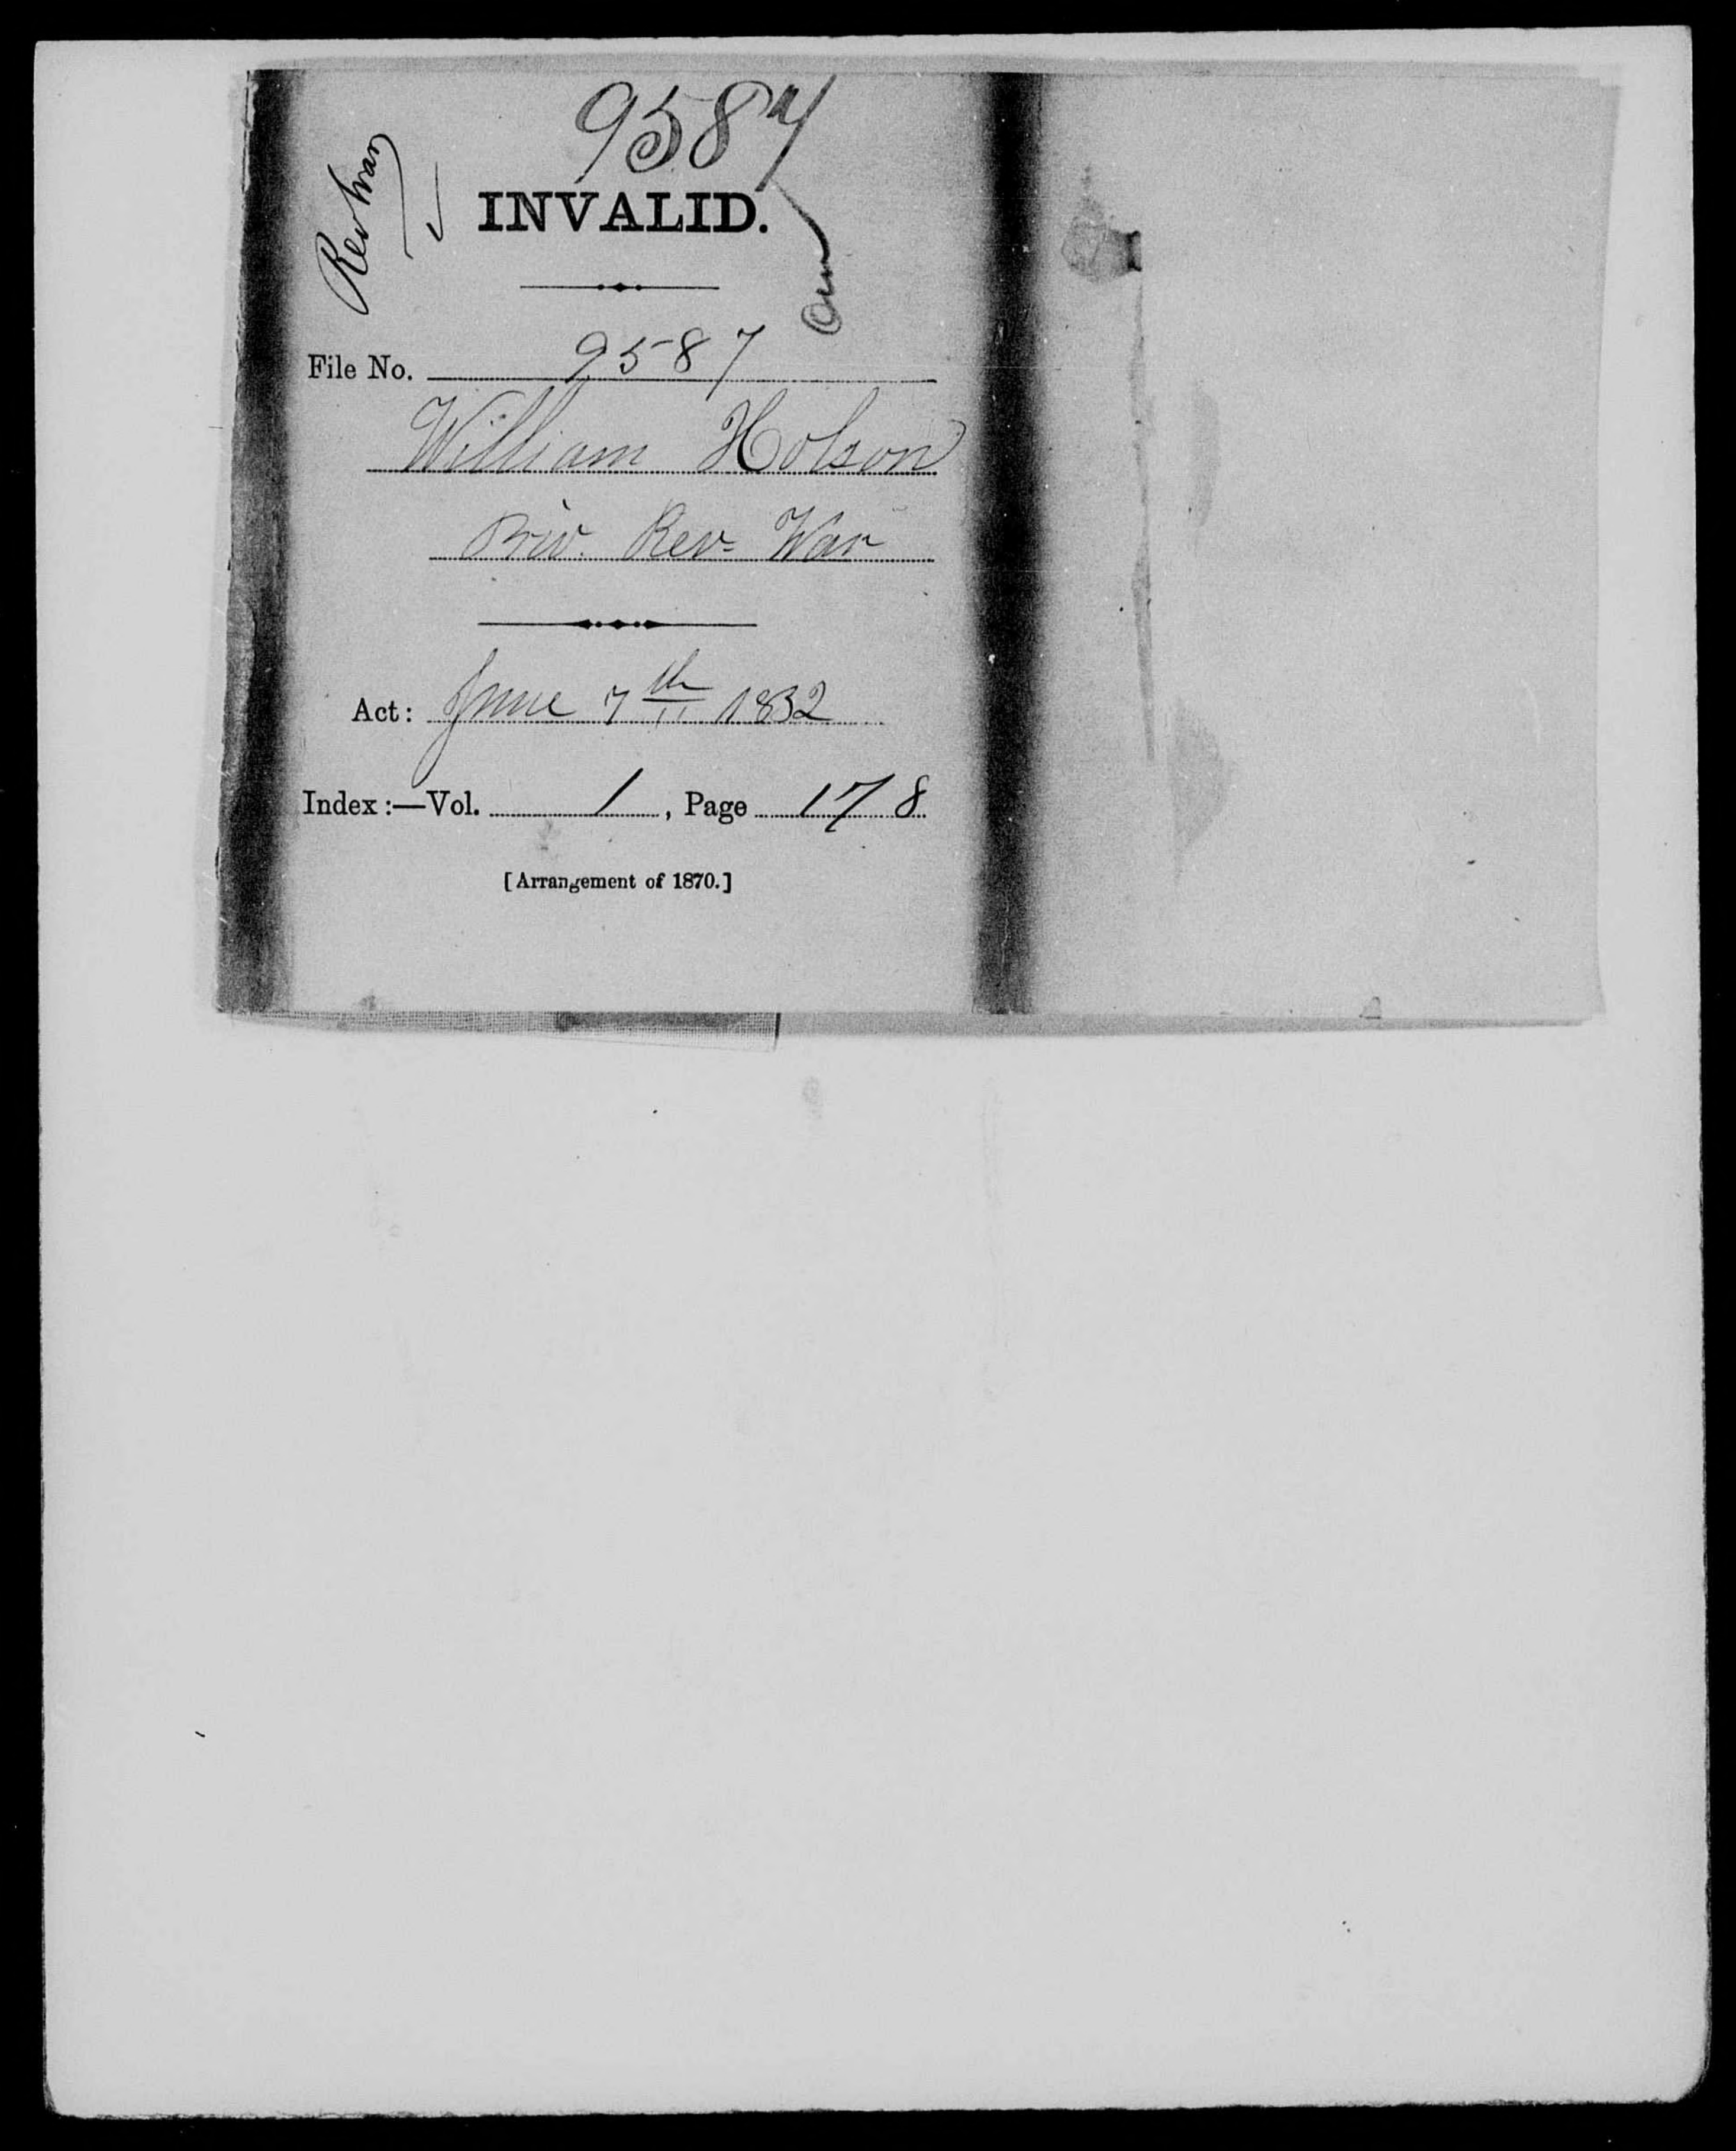[illegible text sideways in upper left-hand corner]

9584

INVALID

File No.  9587

[signature] William Holson

[illegible] Rev. War

Act: June 7th 1832

Index:--Vol.    1,  Page  178

(Arrangement of 1870)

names: William Holson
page: 7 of 33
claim: survivor's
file: S. 9587, William Holson, Va.